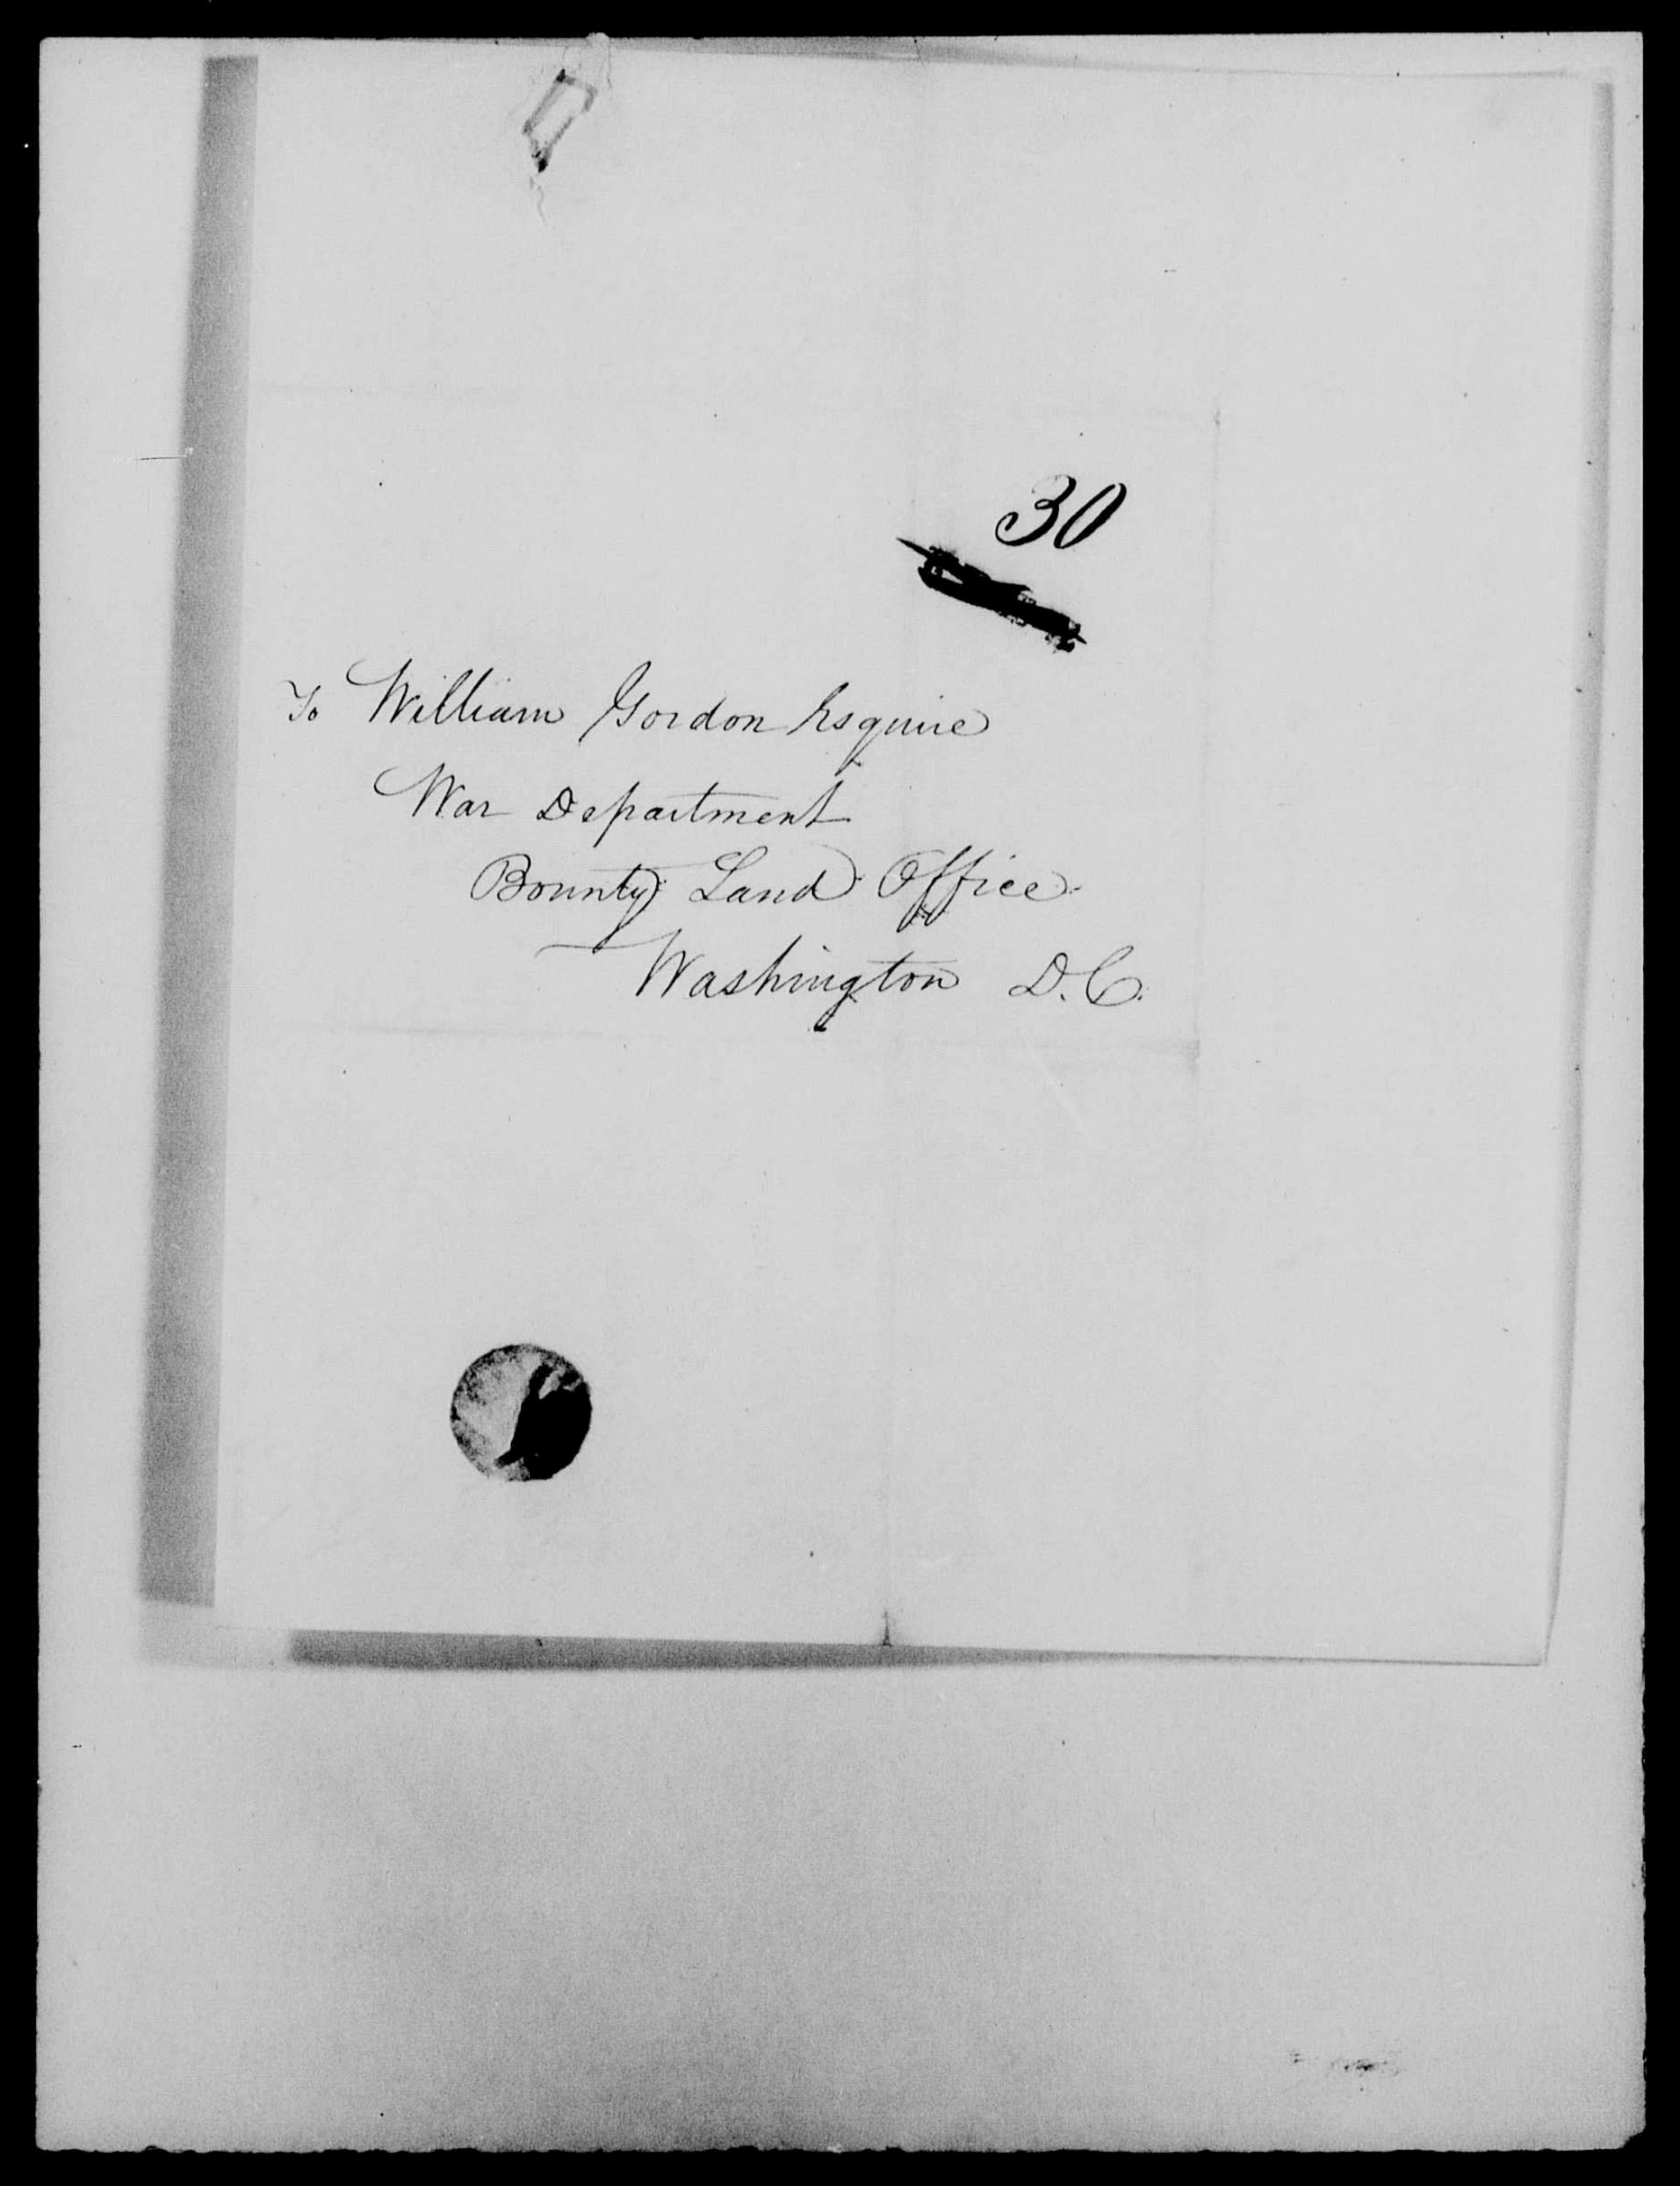30

To William Gordon Esquire
War Department
Bounty Land Office
Washington D.C.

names: William Gordon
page: 4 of 9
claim: bounty land warrant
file: B.L.Wt. 2059-100, Augustine Cann, Md.